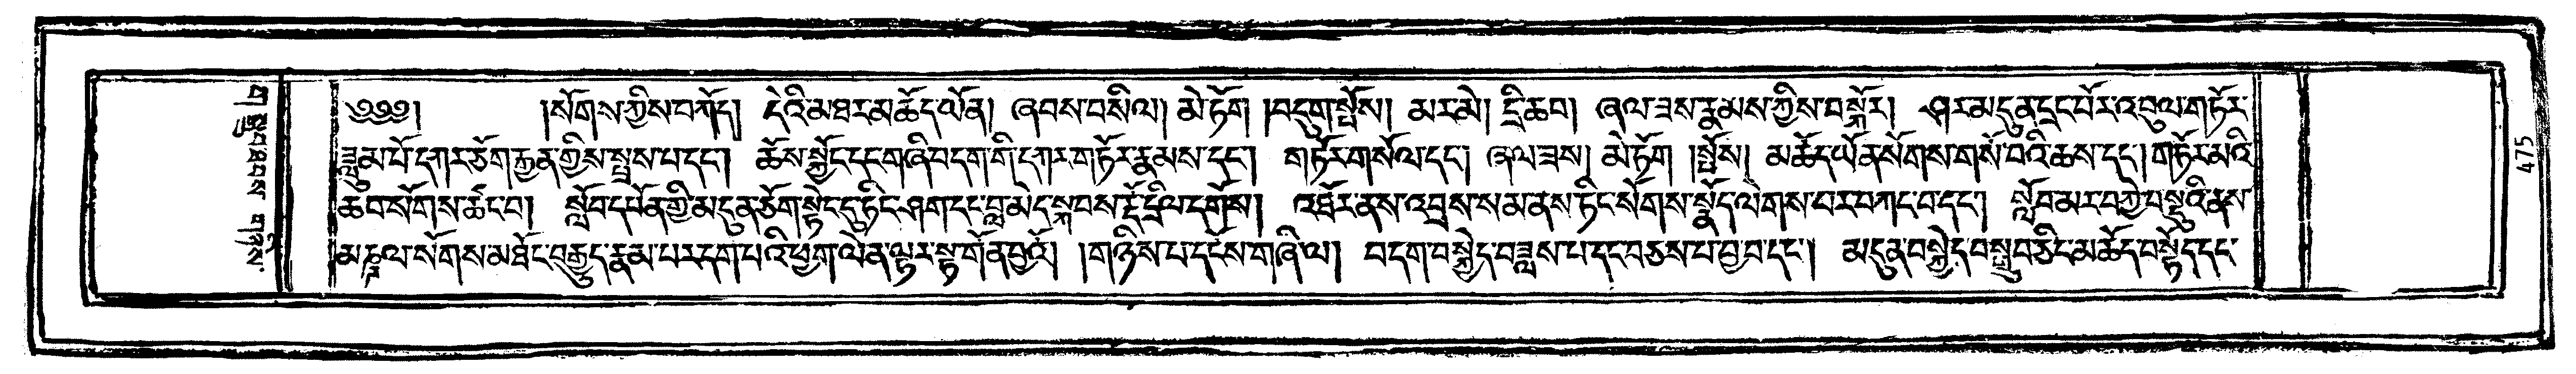༄༅༅། །སོགས་ཀྱིས་བཀོད། དེའི་མཐར་མཆོད་ཡོན། ཞབས་བསིལ། མེ་ཏོག །བདུག་སྤོས། མར་མེ། དྲི་ཆབ། ཞལ་ཟས་རྣམས་ཀྱིས་བསྐོར། ཤར་མདུན་དྲང་པོར་འབུལ་གཏོར་
ཟླུམ་པོ་དཀར་ཆོག་རྒྱན་གྱིས་སྤྲས་པ་དང་། ཆོས་སྐྱོང་དང་གཞི་བདག་གི་དཀར་གཏོར་རྣམས་དང་། གཏོར་གསོལ་དང་། ཞལ་ཟས། མེ་ཏོག །སྤོས། མཆོད་ཡོན་སོགས་གསོ་བའི་ཆས་དང་། གཏོར་མའི་
ཆབ་སོགས་ཚང་བ། སློབ་དཔོན་གྱི་མདུན་ཅོག་སྟེང་དུ་ཏིང་ཤག་དང་བླ་མེད་སྐབས་རྡོ་དྲིལ་དགོས། འཐོར་ནས་འབྲས་སམ་ནས་ཏིང་སོགས་སྣོད་ལེགས་པར་བཀང་བ་དང་། སློབ་མར་བཀྱེ་བསྡུའི་ནས་
མཎྜལ་སོགས་མཐོང་བརྒྱུད་རྣམ་པར་དག་པའི་ཕྱག་ལེན་ལྟར་སྟ་གོན་བྱའོ། །གཉིས་པ་དངོས་གཞི་ལ། བདག་བསྐྱེད་བཟླས་པ་དང་བཅས་པ་བྱ་བ་དང་། མདུན་བསྐྱེད་བསྒྲུབ་ཅིང་མཆོད་བསྟོད་དང་